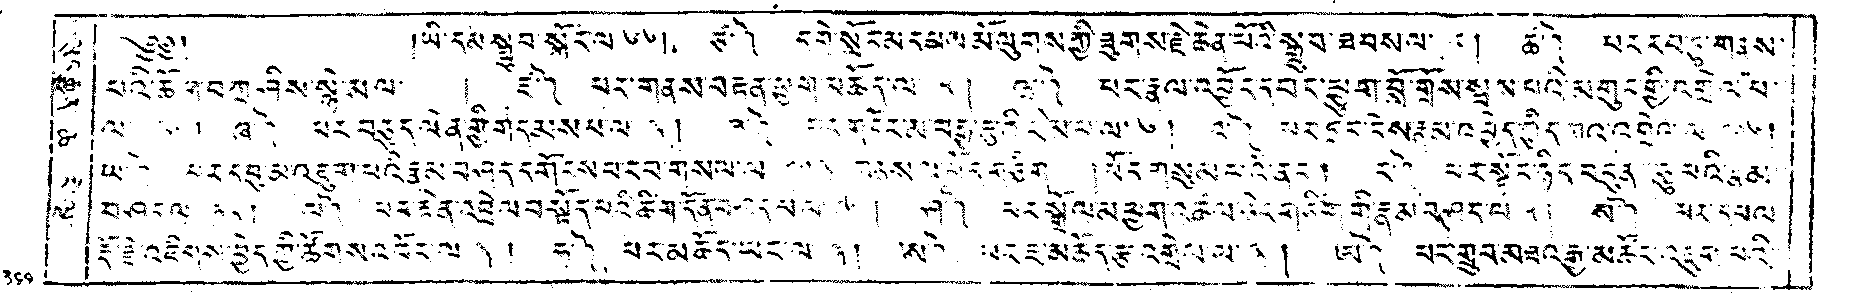༄༅། །ཡི་དམ་སྒྲུབ་སྐོར་ལ ༦༦། ཙ྄་དགེ་སློང་མ་དཔལ་མོ་ལུགས་ཀྱི་ཐུགས་རྗེ་ཆེན་པོའི་སྒྲུབ་ཐབས་ལ ༩། ཚ྄་པར་རབ་ཏུ་གནས་
པའི་ཆོ་ག་བཀྲ་ཤིས་སྙེ་མ་ལ ༡༩། ཛ྄་པར་གནས་བརྟན་ཕྱག་མཆོད་ལ ༥། ཝ྄་པར་རྣལ་འབྱོར་དབང་ཕྱུག་བློ་གྲོས་སྦས་པའི་མགུར་གྱི་འགྲེལ་པ་
ལ ༣། ཞ྄་པར་བཅུད་ལེན་གྱི་གདམས་པ་ལ ༣། ཟ྄་པར་གཏོར་མ་བརྒྱ་རྩའི་རིམ་པ་ལ ༦། འ྄་པར་དྲང་ངེས་རྣམ་འབྱེད་ཀྱི་དཀའ་འགྲེལ་ལ ༡༠༦།
ཡ྄་པར་དབུ་མ་འཇུག་པའི་རྣམ་བཤད་དགོངས་པ་རབ་གསལ་ལ ༡༡༣་བཅས་ལ་པོད་གཅིག །པོད་གསུམ་པའི་ནང་། ར྄་པར་སྟོང་ཉིད་བདུན་ཅུ་པའི་རྣམ་
བཤད་ལ ༢༨། ལ྄་པར་རྟེན་འབྲེལ་བསྟོད་པའི་ཚིག་དོན་བཤད་པ་ལ ༡༦། ཤ྄་པར་སྒྲོལ་མ་ཕྱག་འཚལ་ཉེར་གཅིག་གི་རྣམ་བཤད་ལ ༥། ས྄་པར་དཔལ་
རྡོ་རྗེ་འཇིགས་བྱེད་ཀྱི་ཚོགས་འཁོར་ལ ༣། ཧ྄་པར་མཆོད་ཡར་ལ ༣། ཨ྄་པར་ཇ་མཆོད་རྩ་འགྲེལ་ལ ༣། ཨ྄་པར་གྲུབ་མཐའ་རྒྱ་མཚོར་འཇུག་པའི་